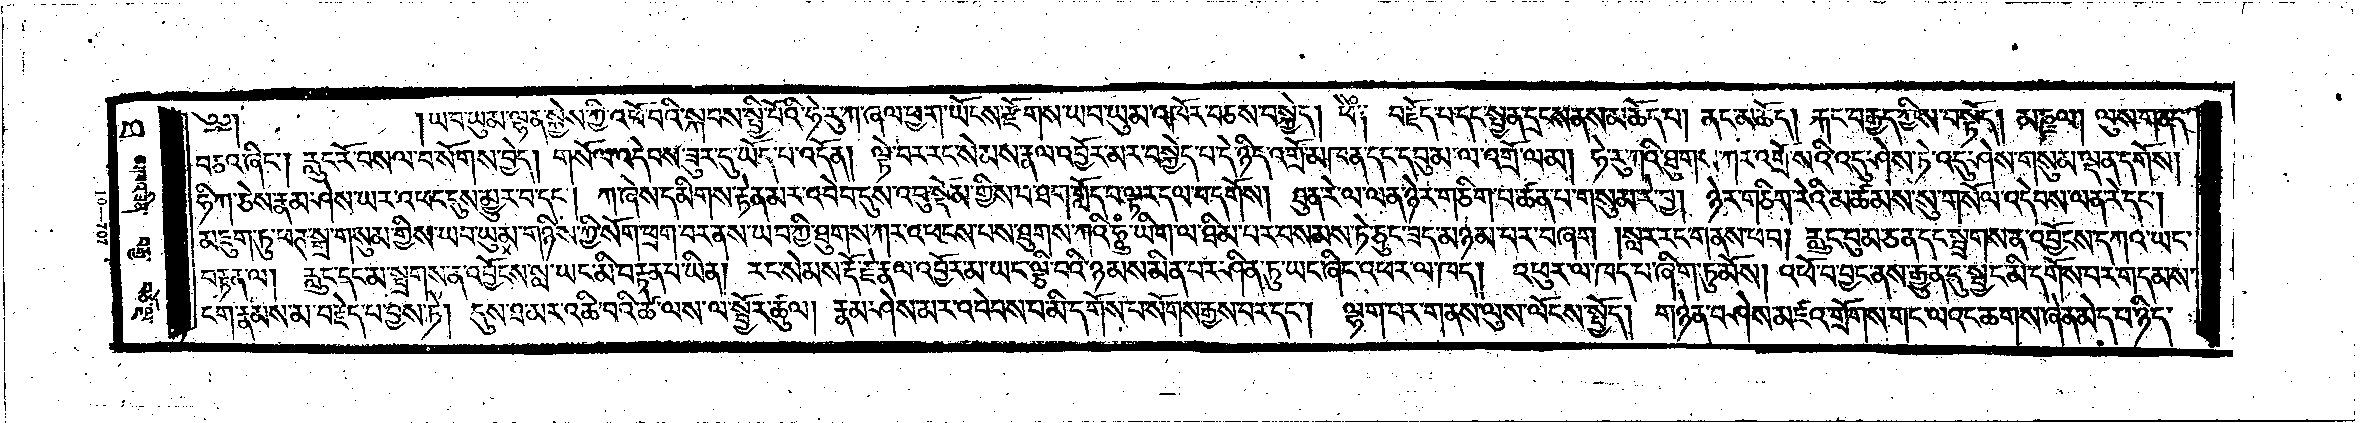༄༅། །ཡབ་ཡུམ་ལྷན་སྐྱེས་ཀྱི་འཕོ་བའི་སྐབས་སྤྱི་བོའི་ཧེ་རུ་ཀ་ཞལ་ཕྱག་ཡོངས་རྫོགས་ཡབ་ཡུམ་འཁོར་བཅས་བསྐྱེད། ཕཻཾ༑ བརྗོད་པ་དང་སྤྱན་དྲངས་ནས་མཆོད་པ། ནང་མཆོད། རྐང་བརྒྱད་ཀྱིས་བསྟོད། མཎྜལ། ལུས་གནད་
བཅའ་ཞིང་། རླུང་རོ་བསལ་བ་སོགས་བྱེད། གསོལ་འདེབས་ཟུར་དུ་ཡོད་པ་འདོན། ལྟེ་བར་རང་སེམས་རྣལ་འབྱོར་མར་བསྐྱེད་པ་དེ་ཉིད་འགྲོ་མཁན་དང་དབུ་མ་ལ་འགྲོ་ལམ། ཧེ་རུ་ཀའི་ཐུགས་ཀར་འགྲོ་སའི་འདུ་ཤེས་ཏེ་འདུ་ཤེས་གསུམ་ལྡན་དགོས།
ཧི་ཀ་ཅེས་རྣམ་ཤེས་ཡར་འཕང་དུས་མྱུར་བ་དང་། །ཀ་ཞེས་དམིགས་རྟེན་མར་འབེབ་དུས་འབུ་སྡོམ་གྱིས་བ་ཐག་གློད་པ་ལྟར་དལ་བ་དགོས། ཐུན་རེ་ལ་ལན་ཉེར་གཅིག་པ་ཚན་བ་གསུམ་རེ་བྱ། ཉེར་གཅིག་རེའི་མཚམས་སུ་གསོལ་འདེབས་ལན་རེ་དང་།
མཇུག་ཏུ་ཕགས་སྒྲ་གསུམ་གྱིས་ཡབ་ཡུམ་གཉིས་ཀྱི་སོག་ཕྲག་བར་ནས་ཡབ་ཀྱི་ཐུགས་ཀར་འཕངས་པས་ཐུགས་ཀའི་ཧཱུཾ་ཡིག་ལ་ཐིམ་པར་བསམས་ཏེ་ཅུང་ཟད་མཉམ་པར་བཞག །སླར་རང་གནས་ཕབ། རླུང་བུམ་ཅན་དང་སྦྲགས་ན་འབྱོངས་དཀའ་ཡང་
བརྟན་ལ། རླུང་དང་མ་སྦྲགས་ན་འབྱོངས་སླ་ཡང་མི་བརྟན་པ་ཡིན། རང་སེམས་རྡོ་རྗེ་རྣལ་འབྱོར་མ་ཡང་ལྕི་བའི་ཉམས་མིན་པར་ཤིན་ཏུ་ཡང་ཞིང་འཕར་ལ་ཁད། འཕུར་ལ་ཁད་པ་ཞིག་ཏུ་མོས། འཕོ་བ་བྱང་ནས་རྒྱུན་དུ་སྦྱང་མི་དགོས་པར་གདམས་
ངག་རྣམས་མ་བརྗེད་པ་བྱས་ཏེ། དུས་ཐ་མར་འཆི་བའི་ཚེ་ལས་ལ་སྦྱོར་ཚུལ། རྣམ་ཤེས་མར་འབེབས་པ་མི་དགོས་པ་སོགས་རྒྱས་པར་དང་། ལྷག་པར་གནས་ལུས་ལོངས་སྤྱོད། གཉེན་བཤེས་མཛའ་གྲོགས་གང་ལའང་ཆགས་ཞེན་མེད་པ་ཉིད་